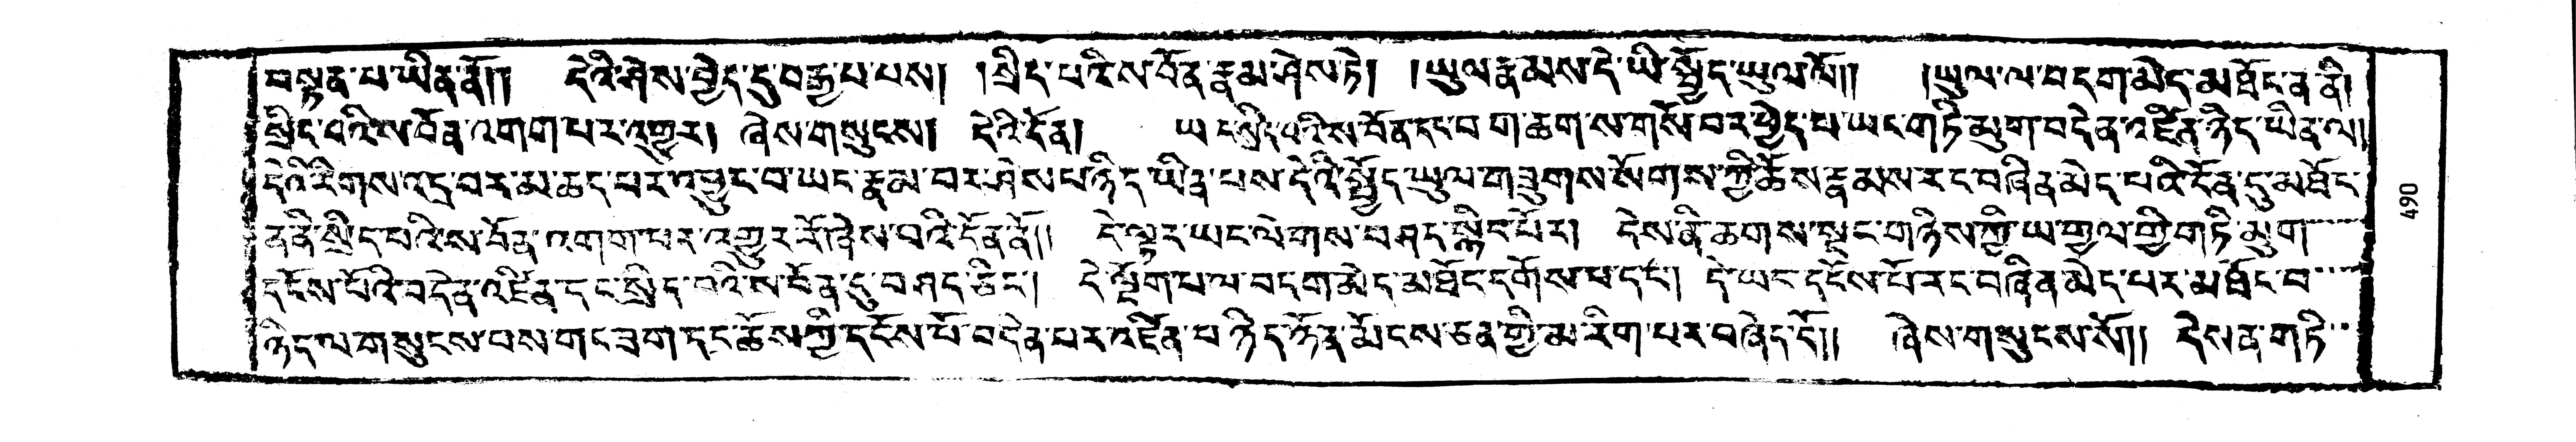བསྟན་པ་ཡིན་ནོ། །དེའི་ཤེས་བྱེད་དུ་བརྒྱ་པ་པས། །སྲིད་པའི་ས་བོན་རྣམ་ཤེས་ཏེ། །ཡུལ་རྣམས་དེ་ཡི་སྤྱོད་ཡུལ་ལོ། །ཡུལ་ལ་བདག་མེད་མཐོང་ན་ནི།
སྲིད་པའི་ས་བོན་འགག་པར་འགྱུར། ཞེས་གསུངས། དེའི་དོན། ཡང་སྲིད་པའི་ས་བོན་དང་བག་ཆག་ས་གསོ་བར་ཕྱེད་པ་ཡང་གཏི་མུག་བདེན་འཛིན་ཉིད་ཡིན་ལ།
དེའི་རིགས་འདྲ་བར་མ་ཆད་པར་འབྱུང་བ་ཡང་རྣམ་པར་ཤེས་པ་ཉིད་ཡིན་པས་དེའི་སྤྱོད་ཡུལ་གཟུགས་སོགས་ཀྱི་ཆོས་རྣམས་རང་བཞིན་མེད་པའི་དོན་དུ་མཐོང་
ན་ནི་སྲིད་པའི་ས་བོན་འགག་པར་འགྱུར་རོ་ཞེས་པའི་དོན་ནོ། །དེ་ལྟར་ཡང་ལེགས་བཤད་སྙིང་པོར། དེས་ནི་ཆགས་སྡང་གཉིས་ཀྱི་ཡ་གྱལ་གྱི་གཏི་མུག་
དངོས་པོའི་བདེན་འཛིན་དང་སྲིད་པའི་ས་བོན་དུ་བཤད་ཅིང་། དེ་ལྡོག་པ་ལ་བདག་མེད་མཐོང་དགོས་པ་དང་། དེ་ཡང་དངོས་པོ་རང་བཞིན་མེད་པར་མཐོང་བ་
ཉིད་ལ་གསུངས་པས་གང་ཟག་དང་ཆོས་ཀྱི་དངོས་པོ་བདེན་པར་འཛིན་པ་ཉིད་ཉོན་མོངས་ཅན་གྱི་མ་རིག་པར་བཞེད་དོ། །ཞེས་གསུངས་སོ། །དེས་ན་གཏི་